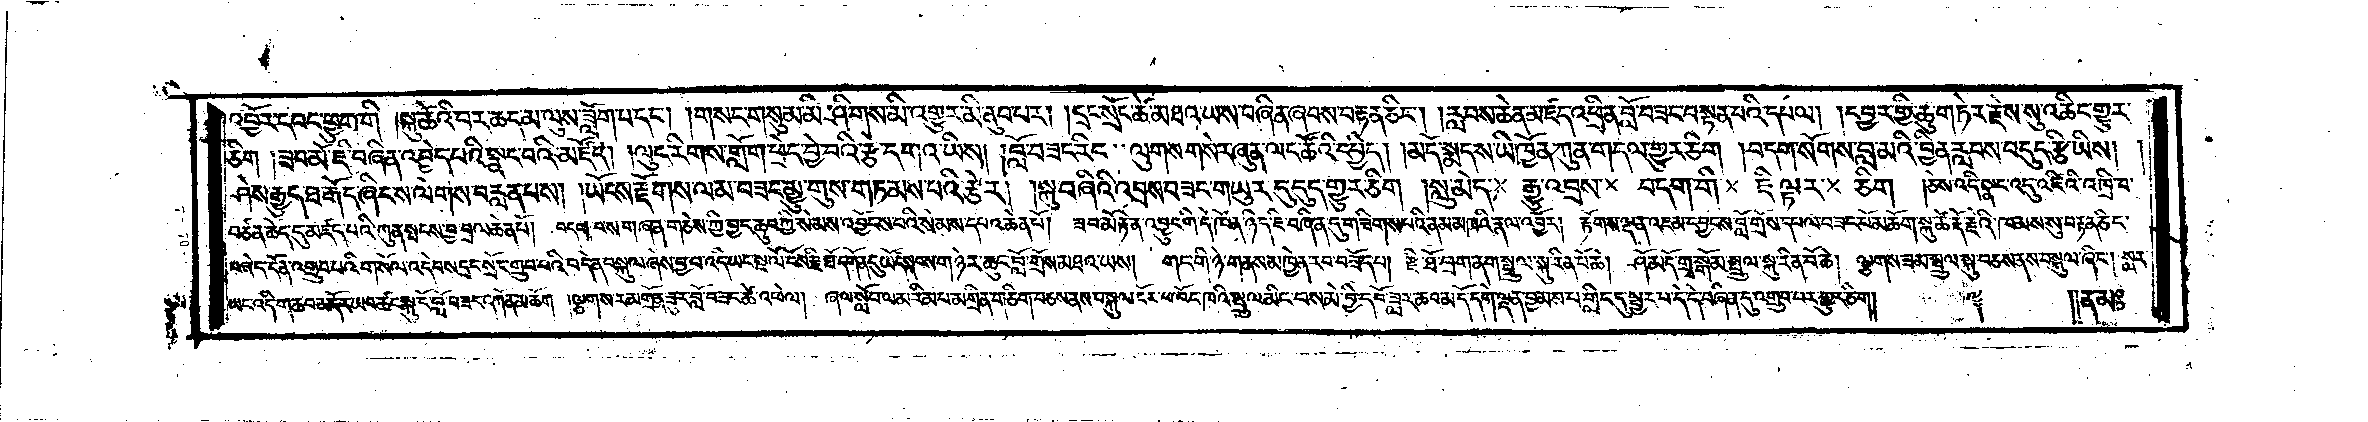འབྱོར་དབང་ཕྱུག་གི །སྐུ་ཚེའི་བར་ཆད་མ་ལུས་ཟློག་པ་དང་། །གསང་གསུམ་མི་ཤིགས་མི་འགྱུར་མི་ནུབ་པར། །དྲང་སྲོང་ཚེ་མཐའ་ཡས་བཞིན་ཞབས་བརྟན་ཅིང་། །རླབས་ཆེན་མཛད་འཕྲིན་བློ་བཟང་བསྟན་པའི་དཔལ། །དབྱར་གྱི་ཆུ་གཏེར་རྗེས་སུ་འཆིང་གྱུར་
ཅིག །ཟབ་མོ་ཇི་བཞིན་འབྱེད་པའི་སྣང་བའི་མཛོད། །ལུང་རིགས་གློག་ཕྲེང་བྱེ་བའི་རྩེ་དགའ་ཡིས། །བློ་བཟང་རིངས་ལུགས་གསེར་ཞུན་ལང་ཚོའི་དབྱེད། །མདོ་སྨད་ས་ཡི་ཁྱོན་ཀུན་གདལ་གྱུར་ཅིག །བདག་སོགས་བླ་མའི་བྱིན་རླབས་བདུད་རྩི་ཡིས། །
ཤེས་རྒྱུད་ཐ་རྒོད་ཞིང་ས་ལེགས་བརླན་པས། །ཡོངས་རྫོགས་ལམ་བཟང་མྱུ་གུས་གཏམས་པའི་རྩེར། །སྐུ་བཞིའི་འབྲས་བཟང་གཡུར་དུ་དུད་གྱུར་ཅིག །སླུ་མེད་྾་རྒྱུ་འབྲས་྾་བདག་གི་྾་ཇི་ལྟར་྾་ཅིག །ཅེས་འདི་སྣང་འདུ་འཛིའི་འཁྲི་བ་
བཅན་ཆོད་དུ་མཛད་པའི་ཀུན་སྤངས་བྱ་བྲལ་ཆེན་པོ། བདག་པས་གཞན་གཅེས་ཀྱི་བྱང་ཆུབ་ཀྱི་སེམས་འབྱོངས་པའི་སེམས་དཔའ་ཆེན་པོ། ཟབ་མོ་རྟེན་འབྱུང་གི་དེ་ཁོ་ན་ཉིད་ཇི་བཞིན་དུ་གཟིགས་པའི་ནམ་མཁའི་རྣལ་འབྱོར། རྟོགས་ལྡན་འཇམ་དབྱངས་བློ་གྲོས་དཔལ་བཟང་པོ་མཆོག་སྐུ་ཚེ་རྡོ་རྗེའི་ཁམས་སུ་བརྟན་ཅིང་
བཞེད་དོན་འགྲུབ་པའི་གསོལ་འདེབས་དྲང་སྲོང་གྲུབ་པའི་བདེན་བསྐུལ་ཞེས་བྱ་བ་འདི་ཡང་སྔ་ལོ་ངོས་རྗེ་ཐོ་དགོན་དུ་ཡོད་སྐབས་གཉེར་ཆུང་བློ་གྲོས་མཐའ་ཡས། གང་གི་ཉེ་གནས་མཁྱེན་རབ་བཟོད་པ། །རྫི་ཐོ་བྲག་ནག་སྤྲུལ་སྐུ་རིན་པོ་ཆེ། ཤོ་མདོ་གྲྭ་སྒོམ་སྤྲུལ་སྐུ་རིན་པོ་ཆེ། ལྕགས་ཟབ་སྤྲུལ་སྐུ་བཅས་ནས་བསྐུལ་ཞིང་། སླར་
ཡང་འདི་གྖབ་མདོར་ཡང་ཚང་སྐུ་ངོ་བློ་བཟང་དཀོན་མཆོག །ལྕགས་ར་མགྲོན་ཟུར་བློ་བཟང་ཚེ་འཕེལ། ཞལ་སློབ་ལམ་རིམ་པ་མགྲིན་གཅིག་བཅས་ནས་བསྐུལ་ངོར་ཕ་བོང་ཁའི་སྤྲུལ་མིང་པས་མེ་བྱིད་པོ་ཟླར་ཆབ་མདོ་དགེ་ལྡན་བྱམས་པ་གྲིང་དུས་བྱར་བ་དེ་དེ་བཞིན་དུ་འགྲུབ་པར་གྱུར་ཅིག ། ༈ །།ནམ་